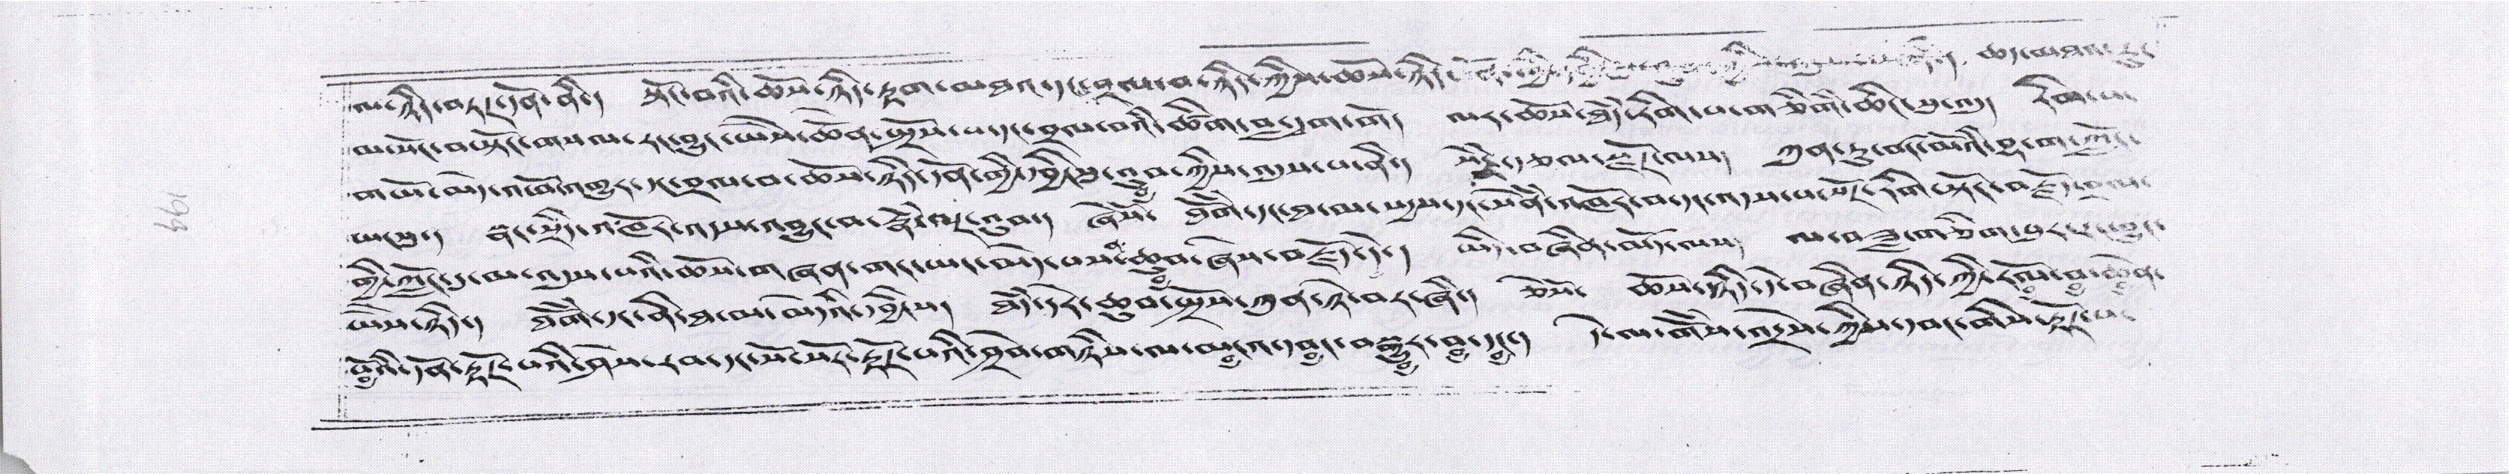ལ་ཉིད་བཏགས་དོན་ནི། སྟོང་པའི་ཆོས་ཉིད་རྟག་མཐའ་དང་བྲལ་བ་ཉིད་ཀྱིས་ཆོས་ཉིད་བོན་གྱི་དབྱིངས་སུ་འུབས་ཀྱིས་འདུས་པ་བཞིན། ཆད་མཐའ་རུ་
མ་སོང་བ་སྟོང་གསལ་རང་འབྱུང་གི་ཡེ་ཤེས་ཆེན་པོ་སྤྲོས་པ་དང་བྲལ་བའི་ཚིག་བླ་དྭག་གོ ལར་ཆོས་ཐམས་ཅད་རིག་པ་གཅིག་གི་ཆིངས་སུ་འདུ། རིག་པ་
གཡོ་མེད་འཕོ་འགྱུར་དང་བྲལ་བ་ཆོས་ཉིད་དོན་གྱི་དབྱིངས་འུབ་ཀྱིས་འདུས་པ་ནི། སེང་གེ་རྩལ་རྫོགས་ལས། ཀུན་ཏུ་བཟང་མོའི་བྷ་ག་ཀློང་
ཡངས་སུ། སྣང་སྲིད་འཁོར་འདས་འབྱུང་བ་རྣམ་ལྔ་འུབས། ཞེས་སོ། ཐོག་མ་དང་ཐ་མ་སངས་རྒྱས་དང་སེམས་ཅན་འཁོར་བ་དང་འདས་པ་སོགས་རིག་སྟོང་བརྗོད་བྲལ་
གྱི་ཀློང་དུ་མ་འདུས་པའི་ཆོས་གཞན་གང་ཡང་མེད་པས་ན་ཆུབ་ཅེས་བརྗོད་དེ། ཡིད་བཞིན་མཛོད་ལས། ལ་བཟླ་གཅིག་པུ་རང་འབྱུང་
ཡེ་ཤེས་ཉིད། ཐོག་མ་དང་ནི་ཐ་མ་མེད་པའི་དབྱིངས། ཐམས་ཅད་དེར་ཆུབ་སྤྲོས་ཀུན་ཉེ་བར་ཞི། ཅེས་སོ། ཆོས་ཉིད་དེ་བཞིན་ཉིད་ཀྱི་རོལ་པ་ཆེན་
པོའི་དོན་རྟོགས་པའི་ཤེས་རབ་དང་སོ་སོར་རྟོགས་པའི་ཤེས་རབ་གཉིས་ལ་མངའ་དབང་བསྒྱུར་བ་དང་། དེ་ལ་གོམས་འདྲིས་ཀྱིས་དབང་གིས་རྟོགས་པ་